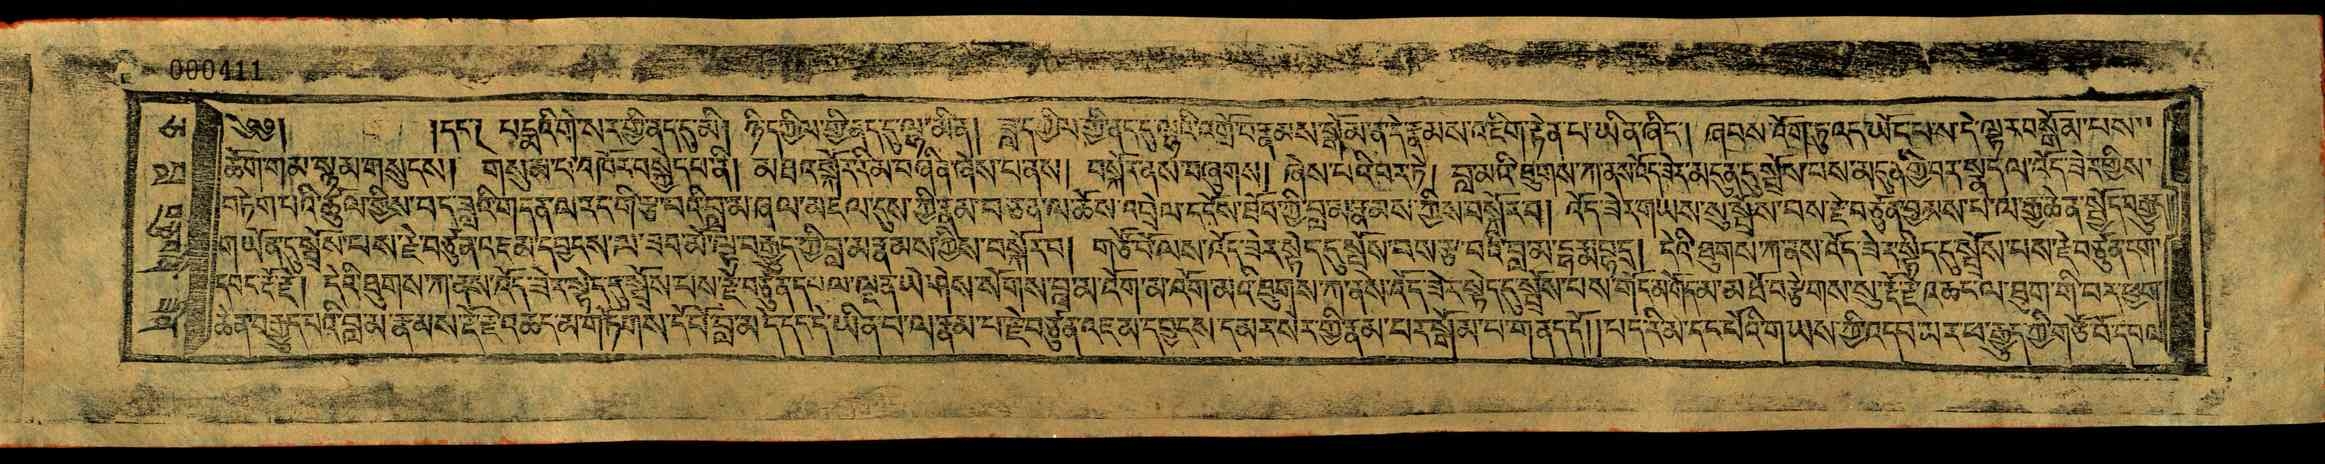༄༅། །དང༑ པདམའི་གེ་སར་གྱི་ནང་དུ་མི། ཉི་དཀྱིལ་གྱི་ནང་དུ་ལྷ་མིན། ཟླ་དཀྱིལ་གྱི་ནང་དུ་ལྷའི་འགྲོ་བ་རྣམས་སྒོམ་ན་དེ་རྣམས་འཇིག་རྟེན་པ་ཡིན་ཞིང་། ཞབས་འོག་ཏུའང་ཡོད་པས་དེ་ལྟར་བསྒོམ་པས་
ཆོག་གམ་སྙམ་གསུངས། གསུམ་པ་འཁོར་བསྐྱེད་པ་ནི། མཐའ་སྐོར་རིམ་བཞིན་ཞེས་པ་ནས། བསྐོར་ནས་བཞུགས། ཞེས་པའི་བར་ཏེ། བླ་མའི་ཐུགས་ཀ་ནས་འོད་ཟེར་མདུན་དུ་སྤྲོས་པས་མདུན་གྱི་བར་སྣང་ལ་འོད་ཟེར་གྱིས་
བཏེག་པའི་ཚུལ་གྱིས་པད་ཟླའི་གདན་ལ་རང་གི་རྩ་བའི་བླ་མ་ཞལ་མཇལ་དུས་ཀྱི་རྣམ་པ་ཅན་ལ་ཆོས་འབྲེལ་དངོས་ཐོབ་ཀྱི་བླ་མ་རྣམས་ཀྱིས་བསྐོར་བ། འོད་ཟེར་གཡས་སུ་སྤྲོས་པས་རྗེ་བཙུན་བྱམས་པ་ལ་རྒྱ་ཆེན་སྤྱོད་བརྒྱུད།
གཡོན་དུ་སྤྲོས་པས་རྗེ་བཙུན་འཇམ་དབྱངས་ལ་ཟབ་མོ་ལྟ་བརྒྱུད་ཀྱི་བླ་མ་རྣམས་ཀྱིས་བསྐོར་བ། གཙོ་བོ་ལས་འོད་ཟེར་སྟེང་དུ་སྤྲོས་པས་རྩ་བའི་བླ་མ་དྷརྨ་བྷ་དྲ། དེའི་ཐུགས་ཀ་ནས་འོད་ཟེར་སྟེང་དུ་སྤྲོས་པས་རྗེ་བཙུན་ངག་
དབང་རྡོ་རྗེ། དེའི་ཐུགས་ཀ་ནས་འོད་ཟེར་སྟེང་དུ་སྤྲོས་པས་རྗེ་བཙུན་དཔལ་ལྡན་ཡེ་ཤེས་སོགས་བླ་མ་འོག་མ་འོག་མའི་ཐུགས་ཀ་ནས་འོད་ཟེར་སྟེང་དུ་སྤྲོས་པས་གོང་མ་གོང་མ་མཐོ་བརྩེགས་སུ་རྡོ་རྗེ་འཆང་ལ་ཐུག་གི་བར་ཕྱག་
ཆེན་བརྒྱུད་པའི་བླ་མ་རྣམས་རྡོ་རྗེ་འཆང་མ་གཏོགས་ངོ་བོ་བླ་མེད་དང་དེ་ཡིན་པ་ལ་རྣམ་པ་རྗེ་བཙུན་འཇམ་དབྱངས་དམར་སེར་གྱི་རྣམ་པར་སྒོམ་པ་གནད་དོ། །པད་རིམ་དང་པོའི་གཡས་ཀྱི་འདབ་མར་ཕ་རྒྱུད་ཀྱི་གཙོ་བོ་དཔལ་